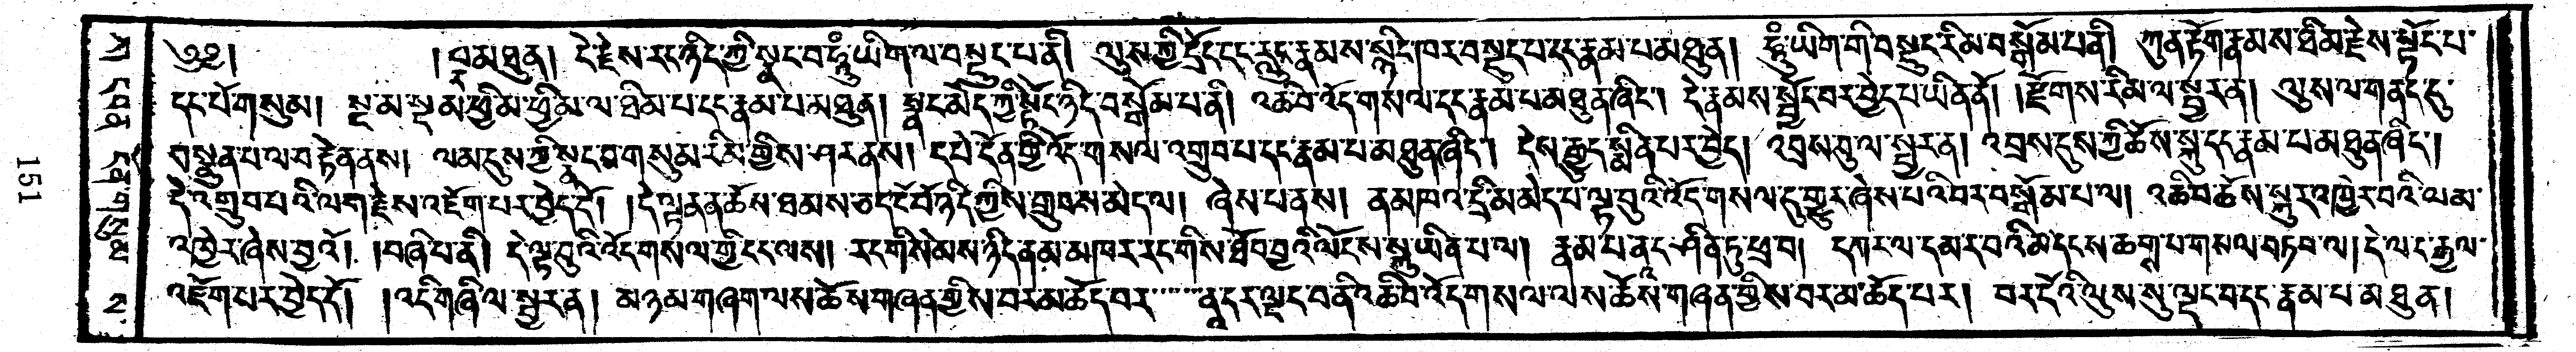༄༅། །པྡ?་མཐུན། དེ་རྗེས་རང་ཉིད་ཀྱི་སྣང་བ་ཧཱུཾ་ཡིག་ལ་བསྡུད་པ་ནི། ལུས་ཀྱི་དྲོང་དང་རླུང་རྣམས་སྙིང་ཁར་ཁར་བསྡུད་པ་དང་རྣམ་པ་མཐུན། ཧཱུཾ་ཡིག་གི་བསྡུད་རིམ་བསྒོམ་པ་ནི། ཀུན་རྟོག་རྣམས་ཐིམ་རྗེས་སྟོང་པ་
དང་པོ་གསུམ། སྔ་མ་སྡམ་ཕྱི་མ་ཕྱི་མ་ལ་ཐིམ་པ་དང་རྣམ་པ་མཐུན། སྣང་མེད་ཀྱི་སྟོང་ཉིད་བསྒོམ་པ་ནི། འཆི་བ་འོད་གསལ་དང་རྣམ་པ་མཐུན་ཞིང་། དེ་རྣམས་སྤྱོད་བར་བྱེད་པ་ཡིན་ནོ། །རྫོགས་རིམ་ལ་སྦྱར་ན། ལུས་ལ་གནད་དུ་
བསྣུན་པ་ལ་བརྟེན་ནས། ལམ་དུས་ཀྱི་སྣང་བ་གསུམ་རིམ་གྱིས་ཤར་ནས། དཔེ་དོན་གྱི་འོད་གསལ་འགྲུབ་པ་དང་རྣམ་པ་མཐུན་ཞིང་། དེས་རྒྱུད་སྨིན་པར་བྱེད། འབྲས་བུ་ལ་སྤྱར་ན། འབྲས་དུས་ཀྱི་ཆོས་སྐུ་དང་རྣམ་པ་མཐུན་ཞིང་།
དེ་འགྲུབ་པའི་ལག་རྗེས་འཇོག་པར་བྱེད་དོ། །དེ་ལྟར་ན་ཆོས་ཐམས་ཅད་ངོ་བོ་ཉིད་ཀྱིས་གྲུབ་ས་མེད་ལ། ཞེས་པ་ནས། ན་མཁའ་དྲི་མ་མེད་པ་ལྟ་བུའི་འོད་གསལ་དུ་གྱུར་ཞེས་པའི་བར་བསྒོམ་པ་ལ། འཆི་བ་ཆོས་སྐུར་འཁྱེར་བའི་ལམ་
འཁྱེར་ཞེས་བྱའོ། །བཞི་པ་ནི། དེ་ལྟ་བུའི་འོད་གསལ་གྱི་ངང་ལས། རང་གི་སེམས་ཉིད་ནམ་མཁར་རང་གིས་ཐོབ་བྱའི་ལོངས་སྐུ་ཡིན་པ་ལ། རྣམ་པ་ནཱ་ད་ཤིན་ཏུ་ཕྲ་བ། དཀར་ལ་དམར་བའི་མདངས་ཆགས་པ་གསལ་བཏབ་ལ། དེ་ལ་ང་རྒྱལ་
འཇོག་པར་བྱེད་དོ། །འདི་གཞི་ལ་སྦྱར་ན། མཉམ་གཞག་ལས་ཆོས་གཞན་གྱིས་བར་མ་ཆོད་བར་ནཱ་དར་ལྡང་བ་ནི་འཆི་བ་འོད་གསལ་ལས་ཆོས་གཞན་གྱིས་བར་མ་ཆོད་པར། བར་ངོའི་ལུས་སུ་ལྡང་བ་དང་རྣམ་པ་མཐུན།